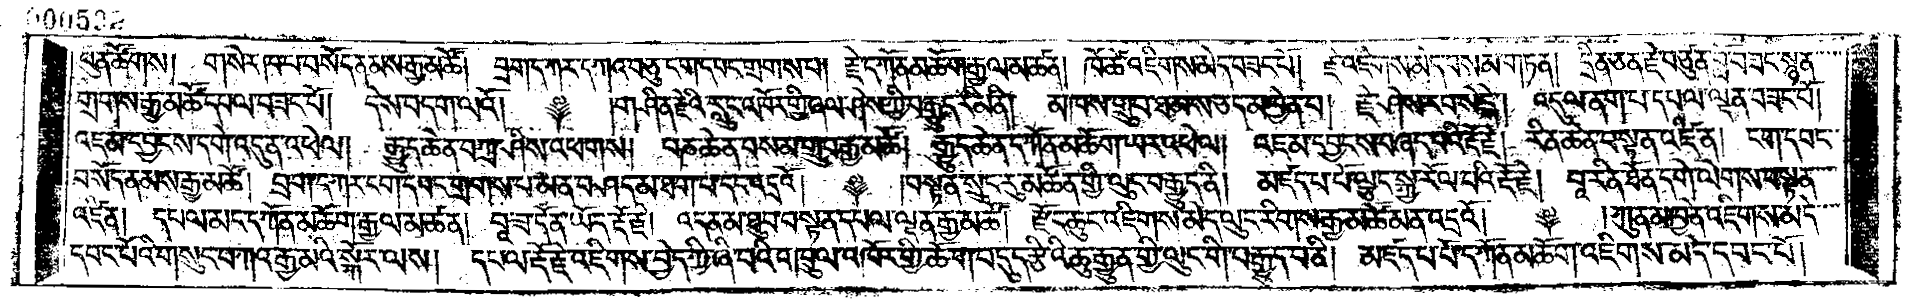ཕུན་ཚོགས། གསེར་ཁ་པ་བསོད་ནམས་རྒྱ་མཚོ། བྲག་དཀར་དཀའ་བཅུ་ངག་དབང་གྲགས་པ། རྗེ་དཀོན་མཆོག་རྒྱལ་མཚན། ཁོ་ཚེ་འཇིགས་མེད་བཟང་པོ། རྗེ་འཇིགས་མེད་བསམ་གཏན། དྲིན་ཅན་རྗེ་བཙུན་བློ་བཟང་སྙན་
གྲགས་རྒྱ་མཚོ་དཔལ་བཟང་པོ། དེས་བདག་ལའོ། ༈ །གཤིན་རྗེའི་རླུང་འཁོར་གྱི་ཞལ་ཤེས་ཀྱི་བརྒྱུད་རིམ་ནི། མཁས་གྲུབ་ཐམས་ཅད་མཁྱེན་པ། རྗེ་ཤེས་རབ་སེངྒེ། འདུལ་ནག་པ་དཔལ་ལྡན་བཟང་པོ།
འཇམ་དབྱངས་དགེ་འདུན་འཕེལ། རྒྱུད་ཆེན་བཀྲ་ཤིས་འཕགས། པཎ་ཆེན་བསམ་གྲུབ་རྒྱ་མཚོ། རྒྱུད་ཆེན་དཀོན་མཆོག་ཡར་འཕེལ། འཇམ་དབྱངས་བཞད་པའི་རྡོ་རྗེ། རིན་ཆེན་བསྟན་འཛིན། ངག་དབང་
བསོད་ནམས་རྒྱ་མཚོ། བྲག་དཀར་ངག་དབང་གྲགས་པ་མན་བཤད་མ་ཐག་པ་དང་འདྲའོ། ༈ །བསྟན་སྲུང་རུ་མཚོན་གྱི་ལུང་བརྒྱུད་ནི། མཛད་པ་པོ་ལྕང་སྐྱ་རོལ་པའི་རྡོ་རྗེ། བཱ་རིན་ཐོན་དགེ་ལེགས་བསྟན་
འཛིན། དཔལ་མང་དཀོན་མཆོག་རྒྱལ་མཚན། བཱ་ཟ་དོན་ཡོད་རྡོ་རྗེ། འདན་མ་ཐུབ་བསྟན་དཔལ་ལྡན་རྒྱ་མཚོ། རྫོང་ཆུང་འཇིགས་མེད་ལུང་རིགས་རྒྱ་མཚོ་མན་འདྲའོ། ༈ །ཀུན་མཁྱེན་འཇིགས་མེད་
དབང་པོའི་གསུང་བཀའ་རྒྱ་མའི་སྐོར་ལས། དཔལ་རྡོ་རྗེ་འཇིགས་བྱེད་ཀྱི་ཞི་བའི་འཁྲུལ་འཁོར་གྱི་ཆོ་ག་བདུད་རྩིའི་ཆུ་རྒྱུན་གྱི་ལུང་གི་བརྒྱུད་པ་ནི། མཛད་པ་པོ་དཀོན་མཆོག་འཇིགས་མེད་དབང་པོ།